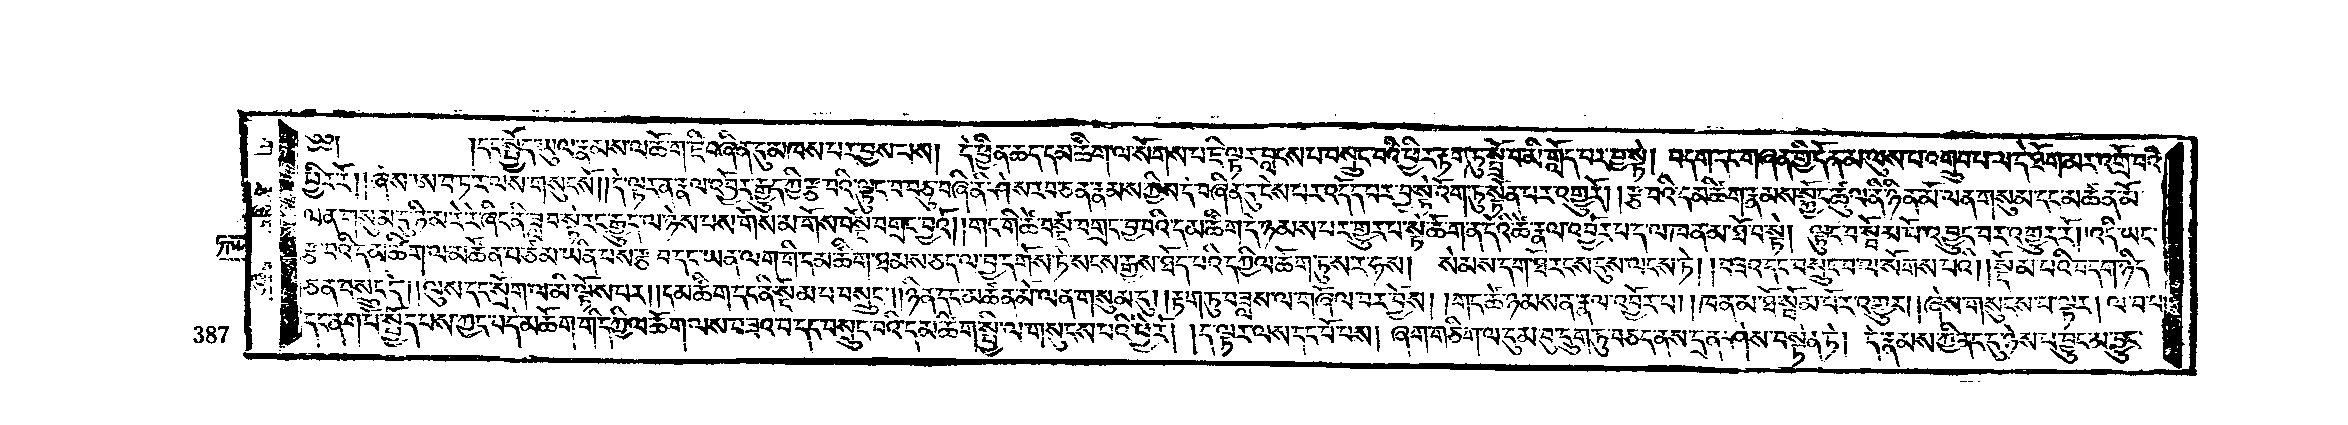༄༅། །དང་སྤྱོད་ཡུལ་རྣམས་ལ་ཆོ་ག་ཇི་བཞིན་དུ་མཁས་པར་བྱས་པས། དེ་ཕྱིན་ཆད་དམ་ཚིག་ལ་སོགས་པ་ཇི་ལྟར་བླངས་པ་བསྲུང་བའི་ཕྱིར་རྟག་ཏུ་སྤྲོ་བ་མི་གློད་པར་བྱ་སྟེ། བདག་དང་གཞན་གྱི་དོན་མ་ལུས་པ་འགྲུབ་པ་ལ་དེ་ཐོག་མར་འགྲོ་བའི་
ཕྱིར་རོ། །ཞེས་ཨ་བ་ཏ་ར་ལས་གསུངས་སོ། །དེ་ལྟར་ན་རྣལ་འབྱོར་རྒྱུད་ཀྱི་རྩ་བའི་ལྟུང་བ་བཅུ་བཞི་ནི་ཤེས་རབ་ཅན་རྣམས་ཀྱིས་དེ་བཞིན་དུ་ངེས་པར་འདོད་པར་བྱ་སྟེ་འོག་ཏུ་སྟོན་པར་འགྱུར་རོ། །རྩ་བའི་དམ་ཚིག་རྣམས་སྐྱོང་ཚུལ་ནི་ཉིན་མོ་ལན་གསུམ་དང་མཚན་མོ་
ལན་གསུམ་དུ་ཉི་མ་རེ་རེ་ཞིང་ནི་ཟླ་བ་སྟེ་རང་རྒྱུད་ལ་ཉེས་པས་གོས་མ་གོས་བསྔོ་བགྲང་བྱའོ། །གང་གི་ཚེ་བསྔོ་བགྲང་བྱ་བའི་དམ་ཚིག་དེ་ཉམས་པར་གྱུར་པ་སྟེ་ཆོ་ག་ན་དེའི་ཚེ་རྣལ་འབྱོར་པ་ད་ལ་ཁ་ན་མ་ཐོ་བ་སྟེ། ལྟུང་བ་སྦོམ་པོ་འབྱུང་བར་འགྱུར་རོ། །འདི་ཡང་
རྩ་བའི་དམ་ཚིག་ལ་མཚོན་པ་ཙམ་ཡིན་པས་རྩ་བ་དང་ཡན་ལག་གི་དམ་ཚིག་ཐམས་ཅད་ལ་བྱ་དགོས་ཏེ་སངས་རྒྱས་ཐོད་པའི་དཀྱིལ་ཆོག་ཏུ་ས་ར་ཧས། སེམས་དག་ཐོ་རངས་དུས་ལངས་ཏེ། །བཟའ་དང་བསྲུང་བ་ལ་སོགས་པའི། །སྡོམ་པའི་བདག་ཉིད་
ཅན་བསྲུང་དེ། །ལུས་དང་སྲོག་ལ་མི་ལྟོས་པར། །དམ་ཚིག་དང་ནི་སྡོམ་པ་བསྲུང་། །ཉིན་དང་མཚན་མོ་ལན་གསུམ་དུ། །རྟག་ཏུ་བཟླས་ལ་གཞོལ་བར་བྱོས། །གང་ཚེ་ཉམས་ན་རྣལ་འབྱོར་པ། །ཁ་ན་མ་ཐོ་སྦོམ་པོར་འགྱུར། །ཞེས་གསུངས་པ་ལྟར། ལ་བ་པ་
དང་ནག་པོ་སྤྱོད་པས་ཀྱང་བདེ་མཆོག་གི་དཀྱིལ་ཆོག་ལས་བཟའ་བ་དང་བསྲུང་བའི་དམ་ཚིག་སྤྱི་ལ་གསུངས་པའི་ཕྱིར་རོ། །ད་ལྟར་ལས་དང་པོ་པས། ཞག་གཅིག་ལ་དུམ་བུ་དྲུག་ཏུ་བཅད་ནས་དྲན་ཤེས་བསྟེན་ཏེ། དེ་རྣམས་ཀྱི་ནང་དུ་ཉེས་པ་བྱུང་མ་བྱུང་